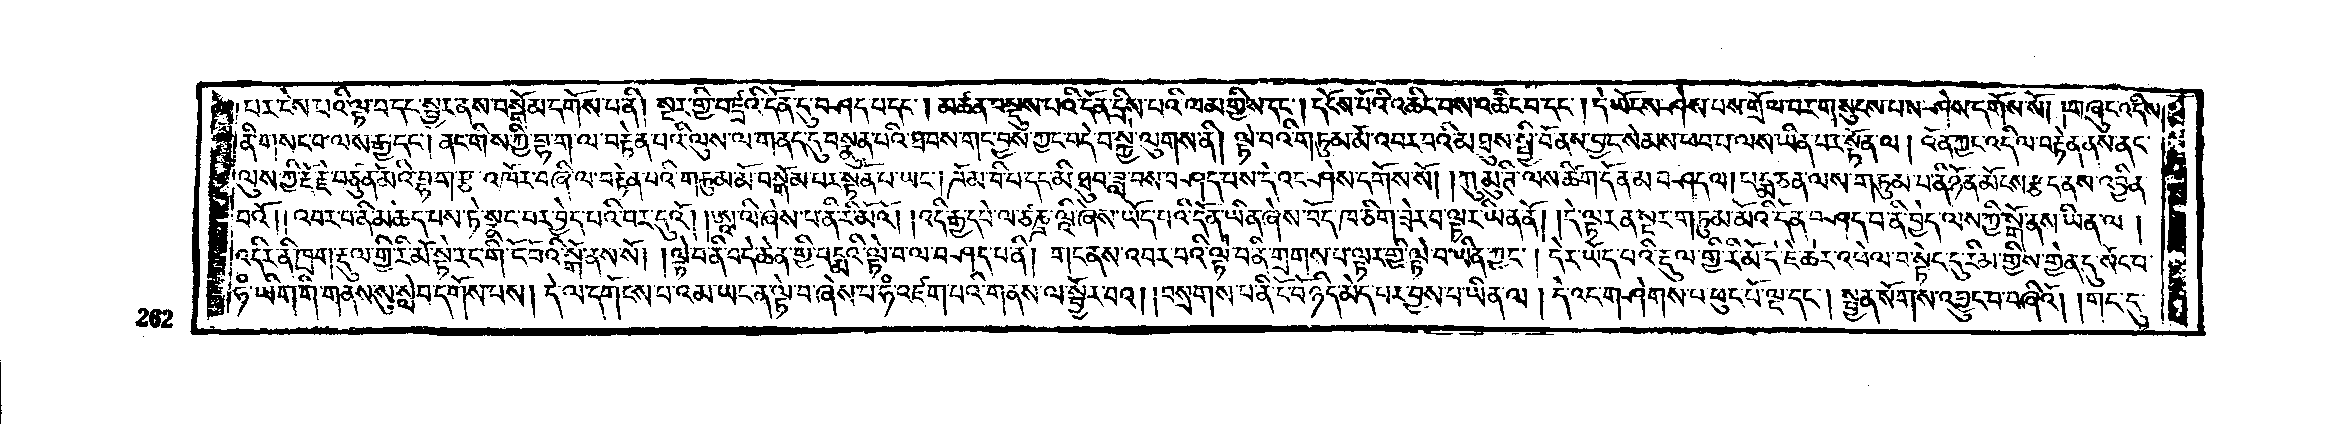པར་ངེས་པའི་ལྟ་བ་དང་སྦྱར་ནས་བསྒོམ་དགོས་པ་ནི། སྔར་གྱི་བཛྲའི་དོན་དུ་བཤད་པ་དང་། མཚན་བསྡུས་པའི་དོན་དྲིས་པའི་ལམ་གྱིས་དང་། དངོས་པོའི་འཆིང་བས་འཆིང་བ་དང་། དེ་ཡོངས་ཤེས་པས་གྲོལ་བར་གསུངས་པས་ཤེས་དགོས་སོ། །གཞུང་འདིས་
ནི་གསང་བ་ལས་རྒྱ་དང་། ནང་གིས་ཀྱི་བྷ་ག་ལ་བརྟེན་པའི་ལུས་ལ་གནད་དུ་བསྣུན་པའི་ཐབས་གང་བྱས་ཀྱང་བདེ་བ་སྐྱེ་ལུགས་ནི། ལྟེ་བའི་གཏུམ་མོ་འབར་བའི་མཐུས་སྤྱི་བོ་ནས་བྱང་སེམས་ཕབ་པ་ལས་ཡིན་པར་སྟོན་ལ། འོན་ཀྱང་འདི་ལ་བརྟེན་ནས་ནང་
ལུས་ཀྱི་རྡོ་རྗེ་བཙུན་མོའི་བྷ་ག་རྩ་འཁོར་བཞི་ལ་བརྟེན་པའི་གཏུམ་མོ་བསྒོམ་པར་སྟོན་པ་ཡང་། ཌོམ་བི་པ་དང་མི་ཐུབ་ཟླ་བས་བཤད་པས་དེའང་ཤེས་དགོས་སོ། །ཀུ་མུ་ཊི་ལས་ཚིག་དོན་མ་བཤད་ལ། པདམ་ཅན་ལས་གཏུམ་པ་ནི་ཉོན་མོངས་རྩད་ནས་འབྱིན་
པའོ། །འབར་བ་ནི་མཆེད་པས་ཏེ་སྣང་བར་བྱེད་པའི་བར་དུའོ། །ཨཱ་ལི་ཞེས་པ་ནི་རི་མོའོ། །འདི་རྒྱ་དཔེ་ལ་ཙཎྜ་ལཱི་ཞེས་ཡོད་པའི་དོན་ཡིན་ཞེས་བོད་ཁ་ཅིག་ཟེར་བ་ལྟར་ཡིན་ནོ། །དེ་ལྟར་ན་སྔར་གཏུམ་མོའི་དོན་བཤད་པ་ནི་བྱེད་ལས་ཀྱི་སྒོ་ནས་ཡིན་ལ།
འདིར་ནི་ཁྲག་རྡུལ་གྱི་རི་མོ་སྟེ་རང་གི་ངོ་བོའི་སྒོ་ནས་སོ། །ལྟེ་བ་ནི་བདེ་ཆེན་གྱི་པདམའི་ལྟེ་བ་ལ་བཤད་པ་ནི། གང་ནས་འབར་བའི་ལྟེ་བ་ནི་གྲགས་པ་ལྟར་གྱི་ལྟེ་བ་ཡིན་ཀྱང་། དེར་ཡོད་པའི་རྡུལ་གྱི་རི་མོ་དེ་ཇེ་ཆེར་འཕེལ་བ་སྟེང་དུ་རིམ་གྱིས་གྱེན་དུ་སོང་བ་
ཧཾ་ཡིག་གི་གནས་སུ་སླེབ་དགོས་པས། དེ་ལ་དགོངས་པ་འམ་ཡང་ན་ལྟེ་བ་ཞེས་པ་ཧཾ་འཛག་པའི་གནས་ལ་སྦྱོར་བའོ། །བསྲགས་པ་ནི་ངོ་བོ་ཉིད་མེད་པར་བྱས་པ་ཡིན་ལ། དེའང་གཤེགས་པ་ཕུང་པོ་ལྔ་དང་། སྦྱན་སོགས་འབྱུང་བ་བཞིའོ། །གང་དུ་